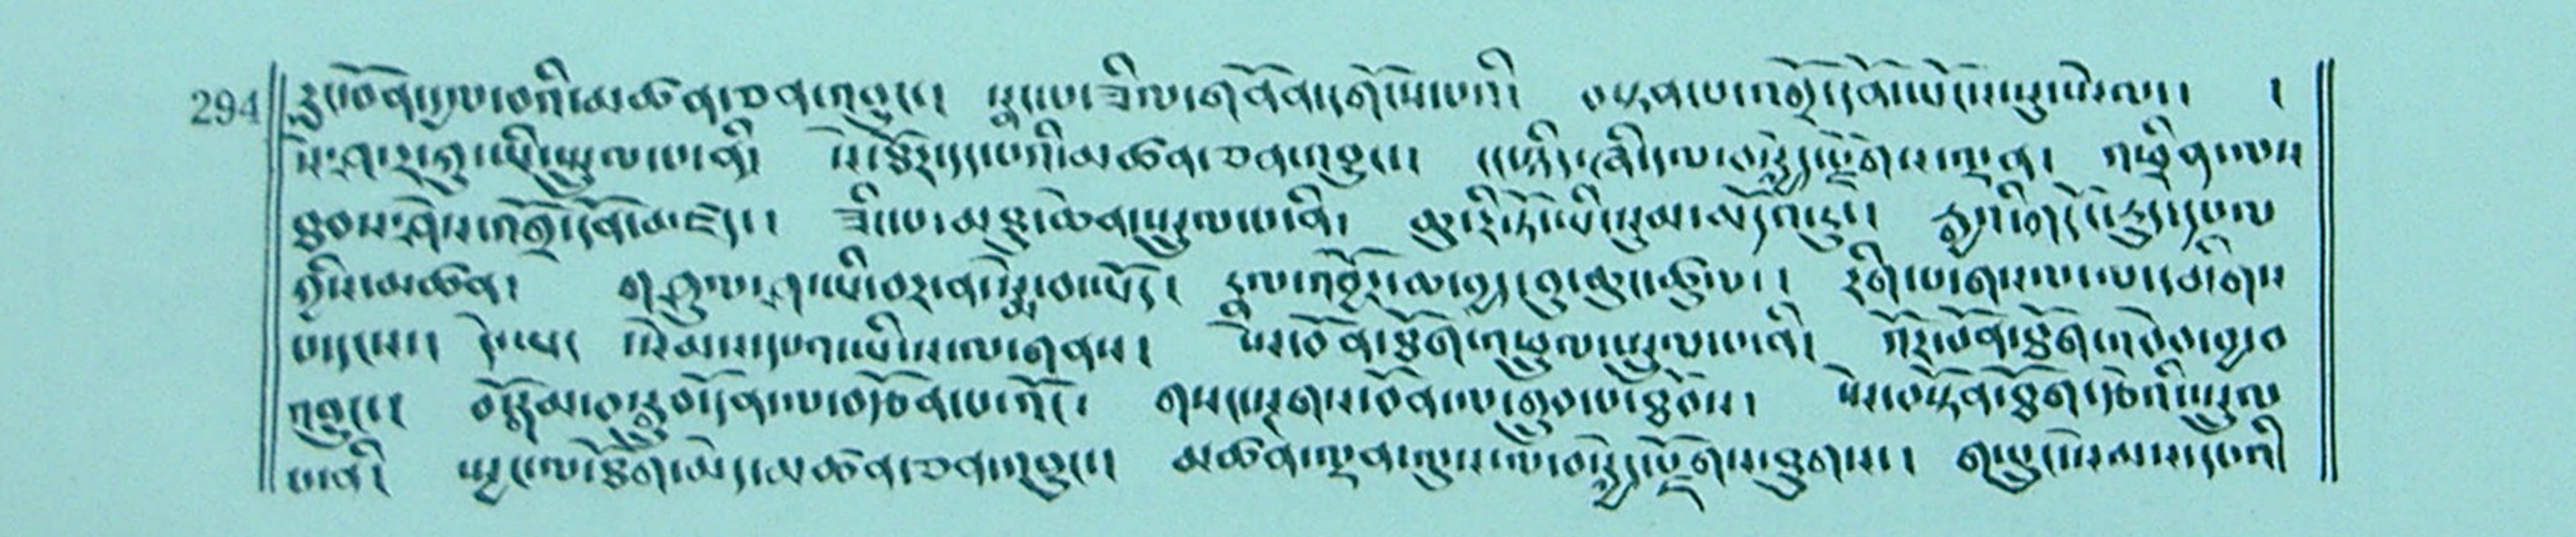རླང་བོན་རྒྱལ་བའི་མཚན་ཅན་འབྱུང་། སྣང་བ་ཟིལ་གནོན་དགོངས་པ་ཡིས། བསྟན་པ་འགྲོ་དོན་ཡོངས་སུ་སྤེལ།
 སེ་ཤ་ར་ཀུ་ཡི་སྤྲུལ་པ་ནི། སེ་དོར་དད་པའི་མཚན་ཅན་འབྱུང་། ངང་ཉིད་ཞི་དལ་བསྐྱེད་རྫོགས་ལྡན། འཕྲིན་ལས་
ཐབས་ཤེས་འགྲོ་དོན་མཛད། ཟིང་བ་མཐུ་ཆེན་སྤྲུལ་པ་ནི། ཆུ་རི་ཏོ་ཡི་སུམ་མདོ་རུ། རྒྱལ་བའི་གདུང་རྒྱུད་དཔལ་
གྱིས་མཚན། གཤུལ་ཤ་ཡི་བར་ན་སྨེ་བ་ཡོད། རྣལ་འབྱོར་ཆ་བྱད་བུ་ཆུང་ཚུལ། རིག་པ་གསལ་ལ་དམིགས་
པ་དྭངས། དེ་ཡང་སེམས་དཔའི་ས་ལ་གནས། སྤེ་བོན་ཐོག་འཕྲུལ་སྤྲུལ་པ་ནི། འོར་བོན་ཐོག་འབེབས་བྱ་བ་
འབྱུང་། བསྒོམ་སྒྲུབ་དོན་ལ་བརྩོན་པ་འོང་། གསང་སྔགས་བོན་ལ་གྲུབ་པ་ཐོབ། སྤེ་བསྟོན་ཐོག་རྩེའི་སྤྲུལ་
པ་ནི། སྐྱང་ལ་ཐོགས་མེད་མཚན་ཅན་འབྱུང་། མཚན་ལྡན་ལུས་ལ་བསྐྱེད་རྫོགས་ཐུགས། གཡུང་དྲུང་སེམས་དཔའི་